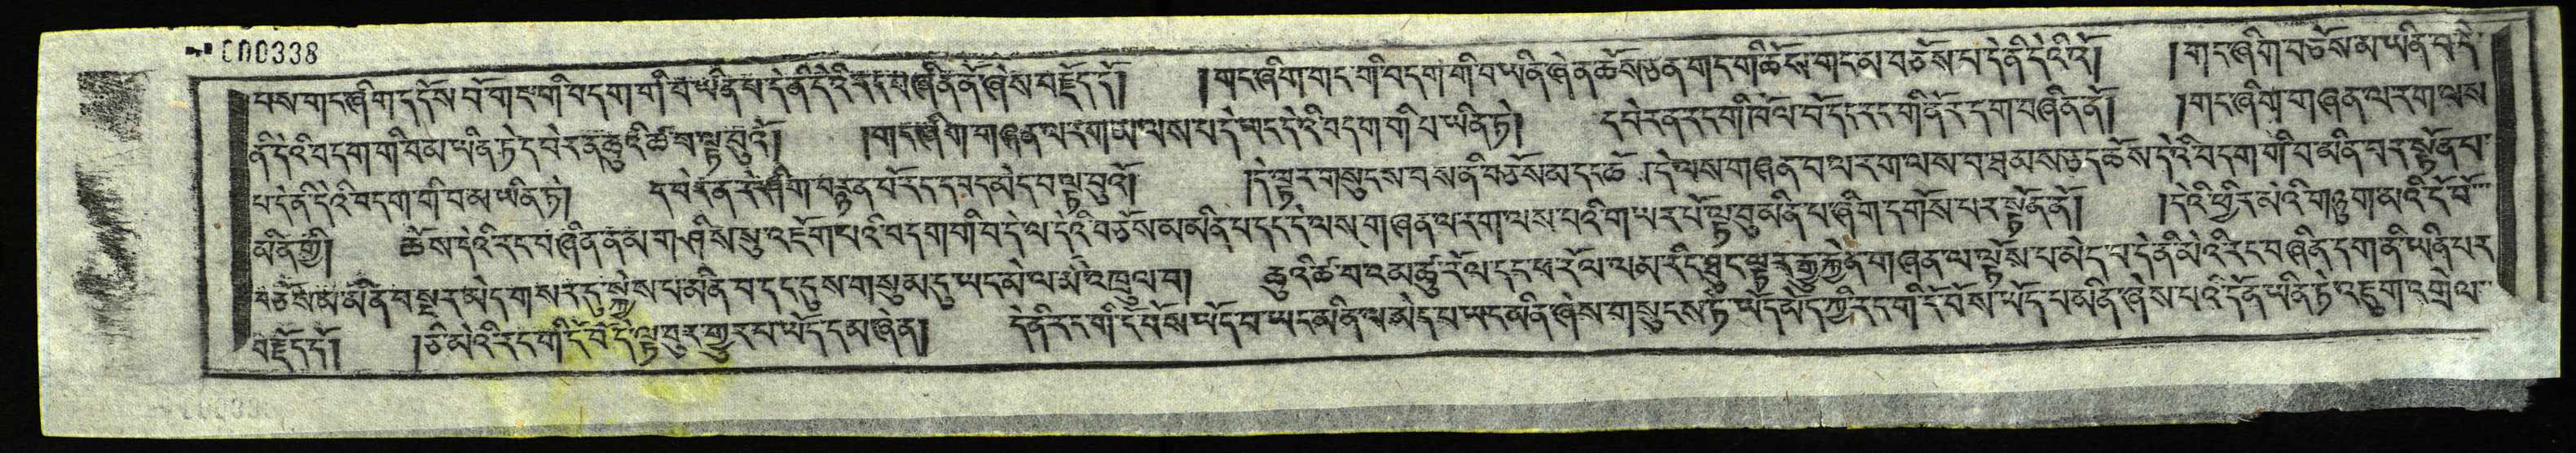པས་གང་ཞིག་དངོས་པོ་གང་གི་བདག་གི་བ་ཡིན་པ་དེ་ནི་དེའི་རང་བཞིན་ནོ་ཞེས་བརྗོད་དོ། །གང་ཞིག་གང་གི་བདག་གི་བ་ཡིན་ཞེ་ན་ཆོས་ཅན་གང་གི་ཆོས་གདམ་བཅོས་པ་དེ་ནི་དེའིའོ། །གང་ཞིག་བཅོས་མ་ཡིན་པ་དེ་
ནི་དེའི་བདག་གི་བ་མ་ཡིན་ཏེ་དཔེར་ན་ཆུའི་ཚ་བ་ལྟ་བུའོ། །གང་ཞིག་གཞན་ལ་རག་མ་ལས་པ་དེ་ཡང་དེའི་བདག་གི་པ་ཡིན་ཏེ། དཔེར་ན་རང་གི་ཁོལ་བོ་དང་རང་གི་ནོར་དག་བཞིན་ནོ། །གང་ཞིག་གཞན་ལ་རག་ལས་
པ་དེ་ནི་དེའི་བདག་གི་བ་མ་ཡིན་ཏེ། དཔེར་ན་རེ་ཤིག་བརྙན་པོ་རང་དབང་མེད་པ་ལྟ་བུའོ། །དེ་ལྟར་གསུངས་པས་ནི་བཅོས་མ་དང་ཆོས་དེ་ལས་གཞན་པ་ལ་རག་ལས་བ་ཐམས་ཅད་ཆོས་དེའི་བདག་གི་བ་མིན་པར་སྟོན་པ་
མིན་གྱི། ཆོས་དེའི་རང་བཞིན་ནམ་གཤིས་སུ་འཇོག་པའི་བདག་གི་བདེ་ལ་དེའི་བཅོས་མ་མིན་པ་དང་དེ་ལས་གཞན་ལ་རག་ལས་པའི་གཡར་པོ་ལྟ་བུ་མིན་པ་ཞིག་དགོས་པར་སྟོན་ནོ། །དེའི་ཕྱིར་མེའི་གཉུག་མའི་ངོ་བོ་
བཅོས་མ་མིན་པ་སྔར་མེད་གསར་དུ་སྐྱེས་པ་མིན་པ་དང་དུས་གསུམ་དུ་ཡང་མེ་ལ་མི་འཁྲུལ་བ། ཆུའི་ཚ་བ་འམ་ཚུ་རོལ་དང་ཕ་རོལ་ལམ་རིང་ཐུང་ལྟར་རྒྱུ་རྐྱེན་གཞན་ལ་ལྟོས་པ་མེད་པ་དེ་ནི་མེའི་རང་བཞིན་དག་ནི་ཡིན་པར་
བརྗོད་དོ། །ཅི་མེའི་རང་གི་ངོ་བོ་དེ་ལྟ་བུར་གྱུར་པ་ཡོད་དམ་ཞེ་ན། དེ་ནི་རང་གི་ངོ་བོས་ཡོད་པ་ཡང་མིན་ལ་མེད་པ་ཡང་རྨིན་ཞེས་གསུངས་ཏེ་ཡོད་མེད་ཀྱི་རང་གི་ངོ་བོས་ཡོད་པ་མིན་ཞེས་པའི་དོན་ཡིན་ཏེ་འཇུག་འགྲེལ་